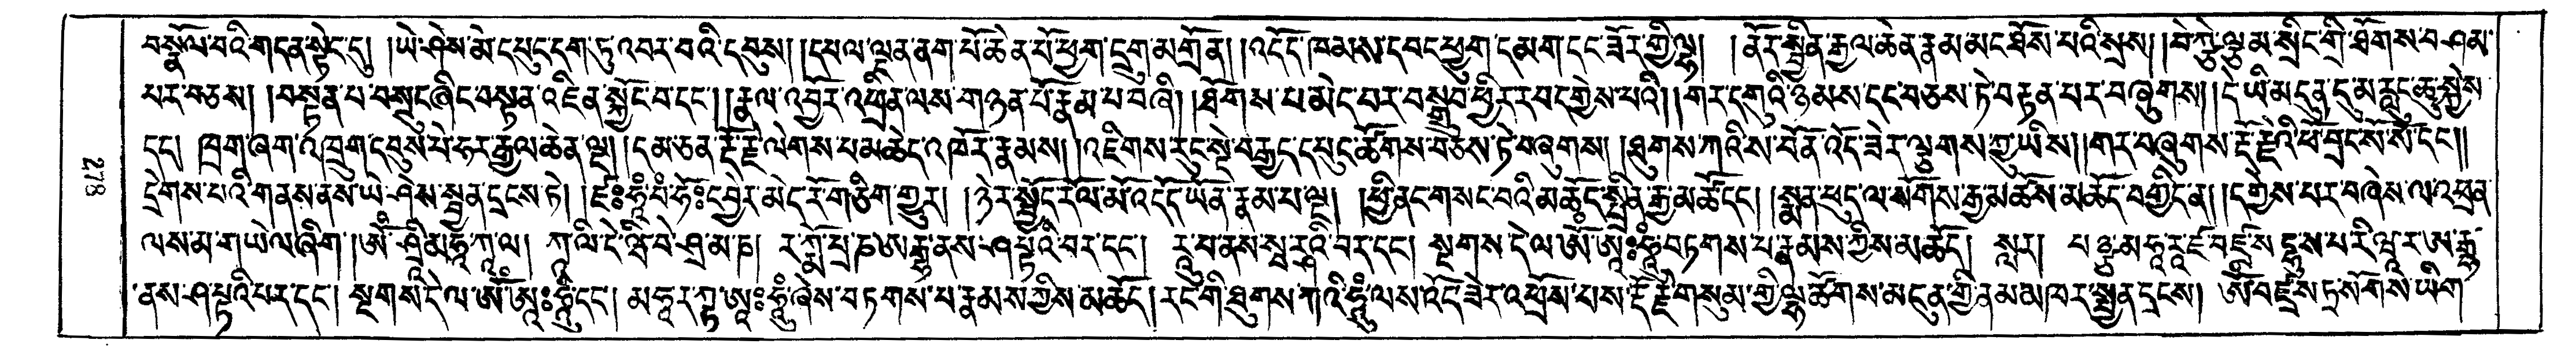བསྣོལ་བའི་གདན་སྟེང་དུ། །ཡེ་ཤེས་མེ་དཔུང་དྲག་ཏུ་འབར་བའི་དབུས། །དཔལ་ལྡན་ནག་པོ་ཆེན་པོ་ཕྱག་དྲུག་མགོན། །འདོད་ཁམས་དབང་ཕྱུག་དམག་དང་ཟོར་གྱི་ལྷ། །ནོར་སྦྱིན་རྒྱལ་ཆེན་རྣམ་མང་ཐོས་པའི་སྲས། །བེཀྩེ་ལྕམ་སྲིང་གྲི་ཐོགས་བཤན་
པར་བཅས། །བསྟན་པ་བསྲུང་ཞིང་བསྟན་འཛིན་སྐྱོང་བ་དང་། །རྣལ་འབྱོར་འཕྲིན་ལས་གཉན་པོ་རྣམ་པ་བཞི། །ཐོགས་པ་མེད་པར་བསྒྲུབ་ཕྱིར་རབ་དགྱེས་པའི། །གར་དགུའི་ཉམས་དང་བཅས་ཏེ་བརྟན་པར་བཞུགས། །དེ་ཡི་མདུན་དུ་མེ་རླུང་ཆུ་སྐྱེས་
དང་། །ཁྲག་ཞག་འཁྲུག་དབུས་པེ་ཧར་རྒྱལ་ཆེན་ལྔ། །དམ་ཅན་རྡོ་རྗེ་ལེགས་པ་མཆེད་འཁོར་རྣམས། །འཇིགས་རུང་སྡེ་བརྒྱད་དཔུང་ཚོགས་བཅས་ཏེ་བཞུགས། །ཐུགས་ཀའི་ས་བོན་འོད་ཟེར་ལྕགས་ཀྱུ་ཡིས། །གར་བཞུགས་རྡོ་རྗེའི་ཕོ་བྲང་སོ་སོ་དང།།
དྲེགས་པའི་གནས་ནས་ཡེ་ཤེས་སྤྱན་དྲངས་ཏེ། །ཛཿ ཧཱུཾ་བཾ་ཧོཿ དབྱེར་མེད་རོ་གཅིག་གྱུར། །ཉེར་སྤྱོད་རོལ་མོ་འདོད་ཡོན་རྣམ་པ་ལྔ། །ཕྱི་ནང་གསང་བའི་མཆོད་སྤྲིན་རྒྱ་མཚོ་དང་། །སྨན་ཕུང་ལ་སོགས་རྒྱ་མཚོས་མཆོད་བགྱིད་ན། །དགྱེས་པར་བཞེས་ལ་འཕྲིན་
ལས་མ་གཡེལ་ཞིག །ཨོཾ་ཤྲཱི་མཧཱ་ཀཱ་ལ། ཀཱ་ལི་དེ་ཝི་བཻ་ཤྲ་མ་ཎ། རཀྨོ་པྲ་ཎ་ཨརྒྷཾ་ནས་ཤཔྟའི་བར་དང་། རཱུ་པ་ནས་སྤརྴའི་བར་དང་། སྔགས་དེ་ལ་ཨོཾ་ཨཱཿཧཱུཾ་བཏགས་པ་རྣམས་ཀྱིས་མཆོད། སླར། པཉྩ་མཧཱ་རཱ་ཛ་བཛྲ་ས་དྷུ་ས་པ་རི་ཝཱར་ཨརྒྷཾ་
ནས་ཤཔྟའི་བར་དང་། སྔགས་དེ་ལ་ཨོཾ་ཨཱཿཧཱུཾ་དང་། མཧཱ་རཀྟ་ཨཱཿཧཱུཾ་ཞེས་བཏགས་པ་རྣམས་ཀྱིས་མཆོད། རང་གི་ཐུགས་ཀའི་ཧཱུཾ་ལས་འོད་ཟེར་འཕྲོས་པས་རྡོ་རྗེ་གསུམ་གྱི་ལྷ་ཚོགས་མདུན་གྱི་ནམ་མཁར་སྤྱན་དྲངས། ཨོཾ་བཛྲ་སཏྭ་སོགས་ཡིག་